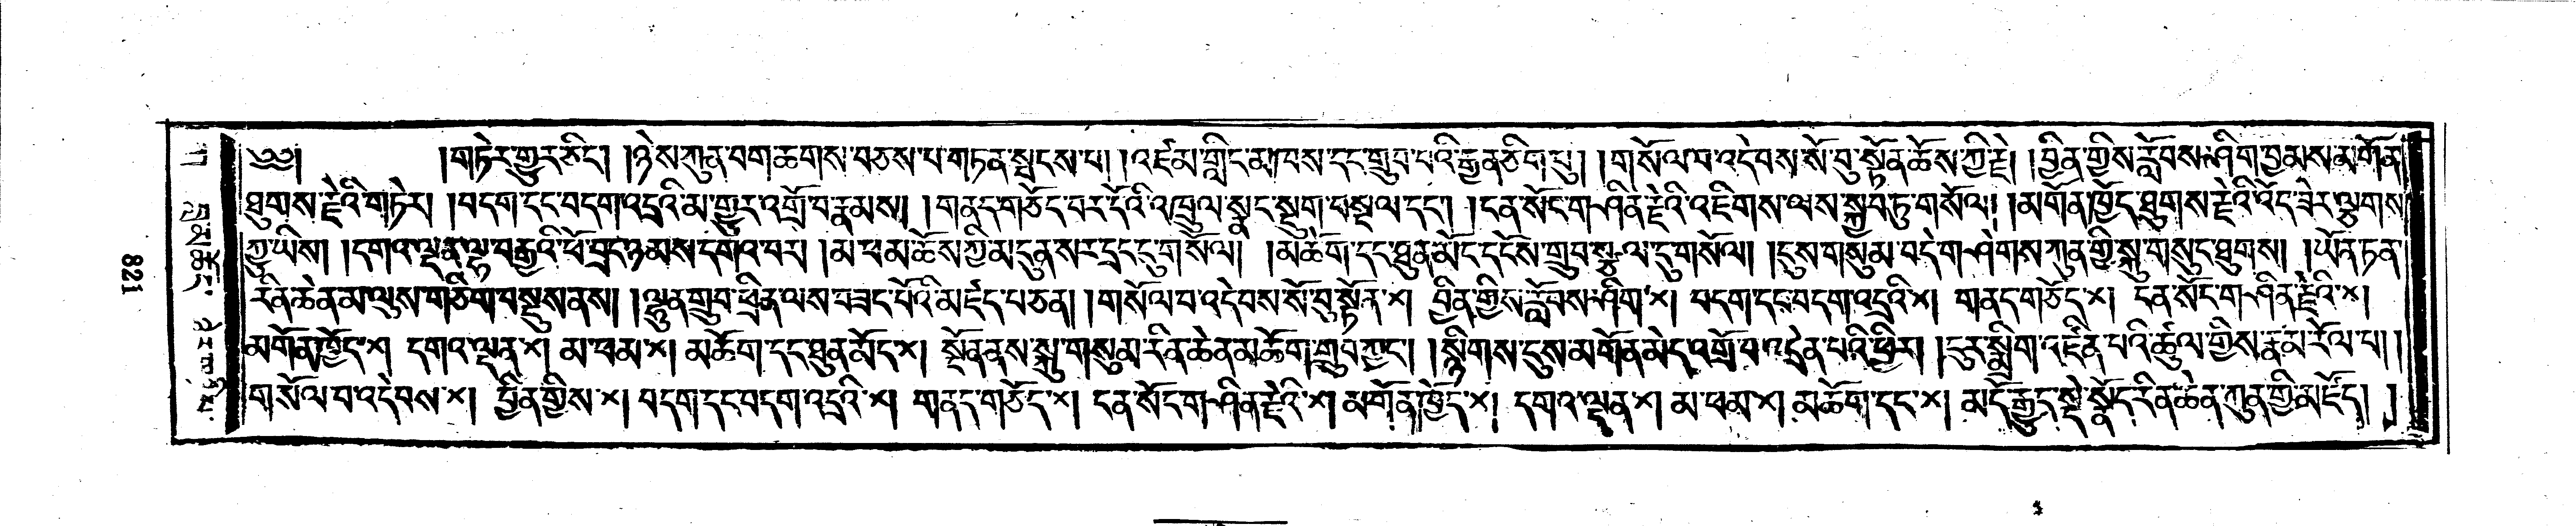༄༅། །གཏེར་གྱུར་ཅིང་། །ཉེས་ཀུན་བག་ཆགས་བཅས་པ་གཏན་སྤངས་པ། །འཛམ་གླིང་མཁས་དང་གྲུབ་པའི་རྒྱན་ཅིག་པུ། །གསོལ་བ་འདེབས་སོ་བུ་སྟོན་ཆོས་ཀྱི་རྗེ། །བྱིན་གྱིས་རློབས་ཤིག་བྱམས་མགོན་
ཐུགས་རྗེའི་གཏེར། །བདག་དང་བདག་འདྲའི་མ་གྱུར་འགྲོ་བ་རྣམས། །གནད་གཅོད་བར་དོའི་འཁྲུལ་སྣང་སྡུག་བསྔལ་དང་། །ངན་སོང་གཤིན་རྗེའི་འཇིགས་ལས་སྐྱབ་ཏུ་གསོལ། །མགོན་ཁྱོད་ཐུགས་རྗེའི་འོད་ཟེར་ལྕགས་
ཀྱུ་ཡིས། །དགའ་ལྡན་ལྷ་བརྒྱའི་ཕོ་བྲང་ཉམས་དགའ་བར། །མ་ཕམ་ཆོས་ཀྱི་མདུན་སར་དྲང་དུ་གསོལ། །མཆོག་དང་ཐུན་མོང་དངོས་གྲུབ་སྩལ་དུ་གསོལ། །དུས་གསུམ་བདེ་གཤེགས་ཀུན་གྱི་སྐུ་གསུང་ཐུགས། །ཡོན་ཏན་
རིན་ཆེན་མ་ལུས་གཅིག་བསྡུས་ནས། །ལྷུན་གྲུབ་ཕྲིན་ལས་བཟང་པོའི་མཛད་པ་ཅན། །གསོལ་བ་འདེབས་སོ་བུ་སྟོན་྾། བྱིན་གྱིས་རློབས་ཤིག་྾། བདག་དང་བདག་འདྲའི་྾། གནད་གཅོད་྾། ངན་སོང་གཤིན་རྗེའི་྾།
མགོན་ཁྱོད་྾། དགའ་ལྡན་྾། མ་ཕམ་྾། མཆོག་དང་ཐུན་མོང་྾། སྔོན་ནས་སྐུ་གསུམ་རིན་ཆེན་མཆོག་གྲུབ་ཀྱང་། །སྙིགས་དུས་མགོན་མེད་འགྲོ་བ་འདྲེན་པའི་ཕྱིར། །ངུར་སྨྲིག་འཛིན་པའི་ཚུལ་གྱིས་རྣམ་རོལ་བ། །
གསོལ་བ་འདེབས་྾། བྱིན་གྱིས་྾། བདག་དང་བདག་འདྲའི་྾། གནད་གཅོད་྾། ངན་སོང་གཤིན་རྗེའི་྾། མགོན་ཁྱོད་྾། དགའ་ལྡན་྾། མ་ཕམ་྾། མཆོག་དང་྾། མདོ་རྒྱུད་སྡེ་སྣོད་རིན་ཆེན་ཀུན་གྱི་མཛོད། །